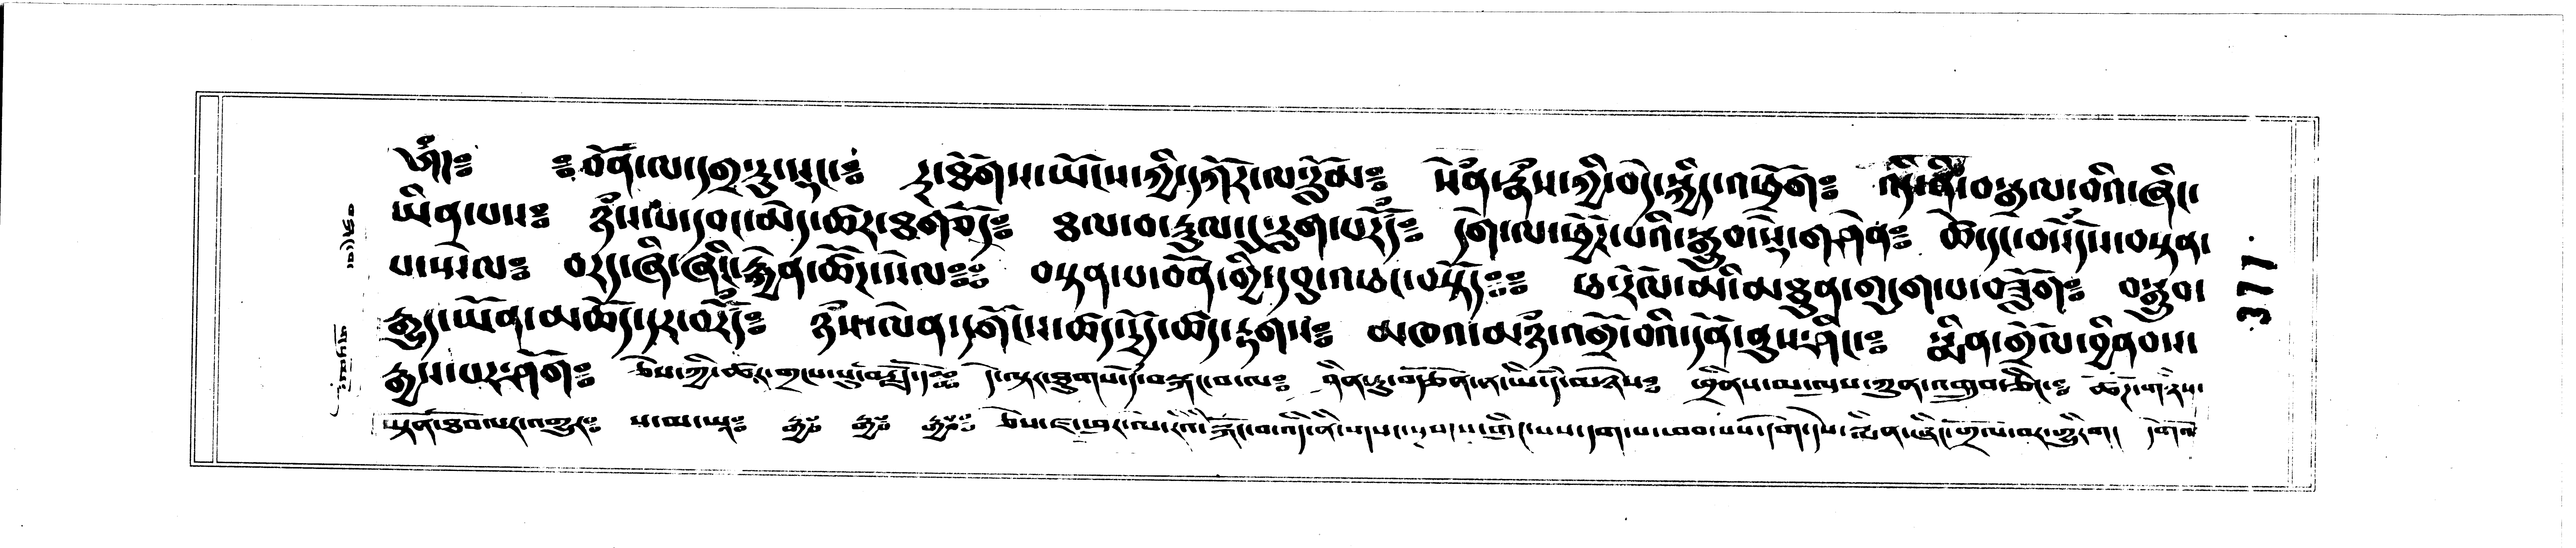༅།༔ ༔བོན་ལ་དགྲ་རུ་སྡང་༔ རྔ་ཐོགས་ཡོངས་ཀྱི་དཀོར་ལ་རློམ༔ སེམས་ཅན་རྣམས་ཀྱི་བདེ་སྐྱིད་འཕྲོག༔ འདི་ནི་བསྒྲལ་བའི་ཞིང་
ཡིན་པས༔ ཉམས་པ་དབང་མེད་ཚར་ཐག་གཅོད༔ ཐལ་བ་རྡུལ་དུ་བརླག་པར་མཛོད༔ དགེ་ལ་ཕྱོགས་པའི་སྒྲུབ་སྡེ་གཤེན༔ ཚེ་དང་བསོད་ནམས་བསྟན་
པ་སྤེལ༔ བར་ཆད་ཞི་ཞིང་རྐྱེན་ཚོགས་སེལ༔༔ བསྟན་པ་བོན་གྱི་དབུ་འཕང་བསྟོད༔༔ ཕ་རོལ་མི་མཐུན་གདུག་པ་བཟློག༔ བསྒྲུབ་
རྒྱུད་ཡོན་མཆོད་དར་བར་མཛོད༔ ཉམས་ལེན་དགོངས་ཚད་དྲོད་ཚད་རྟགས༔ མཁའ་མཉམ་འགྲོ་བའི་དོན་ནུས་ཤིང་༔ སྨིན་གྲོལ་བྱིན་རླབས་
རྒྱས་པར་ཤོག༔ ཅེས་ཀྱི་ཚར་གྲངས་སུ་བརྗོད་དོ༔༔ དེ་ལྟར་ཐུགས་དམ་བསྐང་བ་ལ༔ ཤིན་ཏུ་བརྩོན་ན་ཡི་དམ་མཉེས༔ ཕྲིན་ལས་མ་ལུས་ཀུན་འགྲུབ་ཅིང་༔ ཚོགས་གཉིས་
ཡོན་ཏན་ཐོབ་པར་འགྱུར༔ ས་མ་ཡཱ༔ རྒྱ༔ རྒྱ༔ རྒྱ༔༔ ཅེས་ཛྭ་ཕུར་མེ་རིའི་བསྐང་བ་འདི་ནི་གསང་སྔགས་གླིང་པས་དག་པ་ཕབ་པས་དགེ་དེས་སྨིན་ཞིང་གྲོལ་བར་གྱུར་ཅིག དགེའོ།